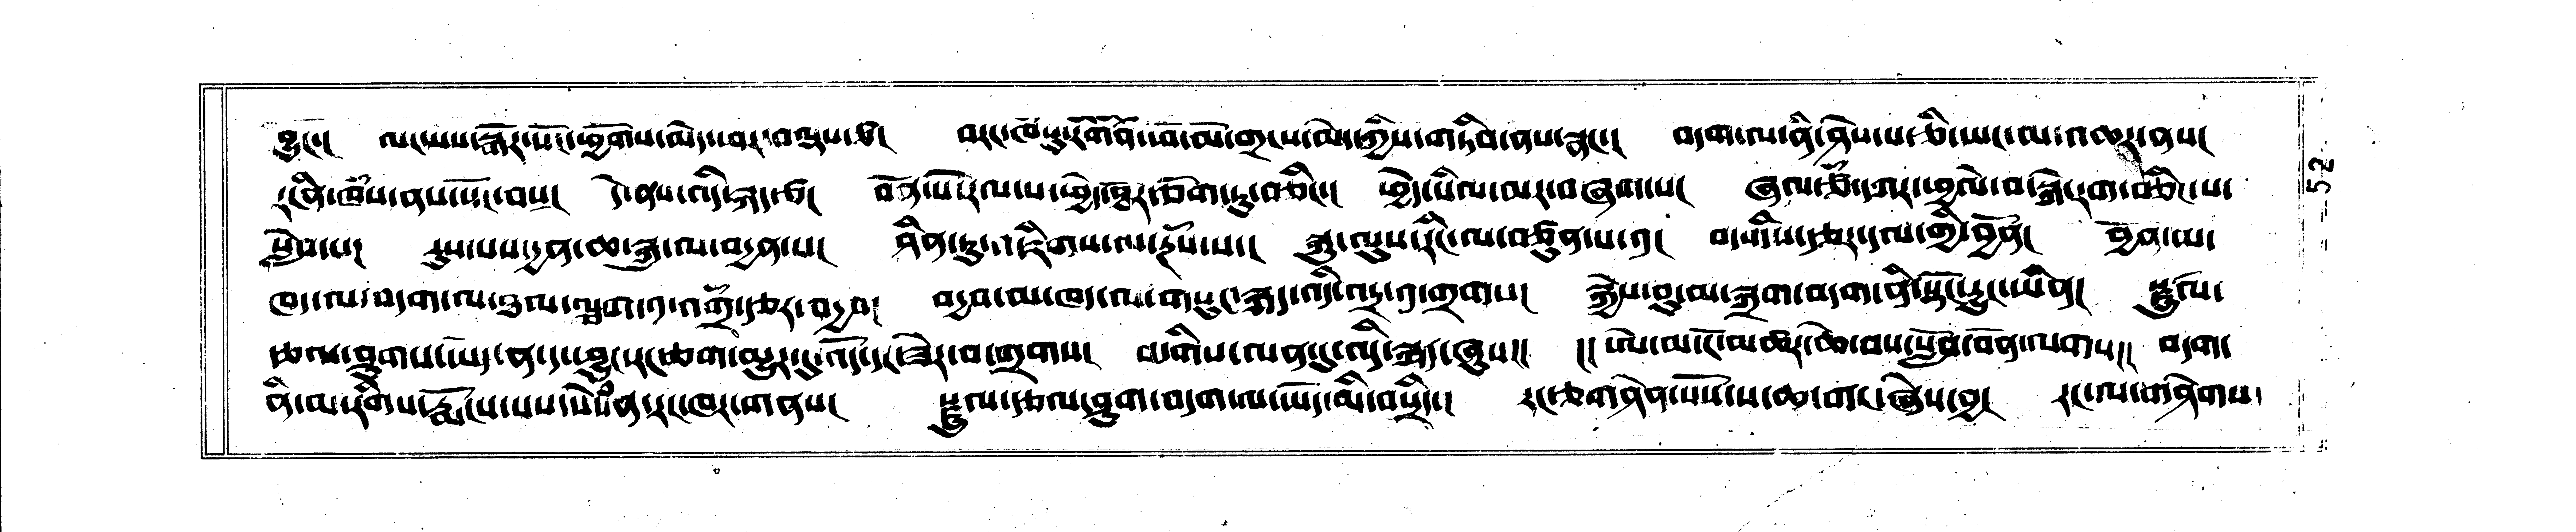བྱུང་། ལངས་པས་སྒོར་སོང་ཕྱོགས་མེད་ཕར་བལྟས་ཙ། བར་སྣང་ཁམས་སུ་རིག་འཛིན་ཕོ་མོ་གྲངས་མེད་ཀྱིས་གཏིབ་ནས་སྣང་། བདག་ལ་ནི་ཤེས་པ་ཅི་ཡང་མ་འཆར་ནས། 
རང་བཞིན་ཁམས་ནས་སོང་བས། དེ་ནས་འདི་སྐད་ཙ། བོན་པོ་རལ་པ་ཕྱེད་ཐོར་ཅོག་ཏུ་བཅིང་། ཕྱེད་སིལ་མར་བཞག་པ། ཞལ་ཙམ་དཀར་ཕལ་ལེ་བ་སྐེ་རགས་བཅིང་པ་
སླེབས་པ། རུས་པའི་རྒྱན་ཆ་སྐུ་ལ་བརྒྱན་པ། ཤིན་ཏུ་འཇིགས་ལ་རྔམས་པ། སྐུ་ལུས་རིང་ལ་བཙུན་པ་གཅིག བདག་གིས་རྩར་དལ་གྱིས་བྱོན། བྱོན་མ་
ཁད་ལ་བདག་ལ་ཐལ་ལྕག་གཅིག་འགྲམ་རྩར་བརྒྱབ། བརྒྱབ་མ་ཁད་ལ་གསུང་སྐད་འདི་འདྲ་གཅིག་གྲགས། སྐྱེས་བུ་མ་སྐྲག་བདག་ནི་སྟོང་རྒྱུང་ཡིན། རྫུ་འཕྲུལ་
རྩལ་ཤུགས་ཡོད་ན་ད་ཕྱུང་རང་ཅག་མྱུར་དུ་འོད་དང་ཟེར་བ་གྲགས། བདག་གིས་ལན་དུ་འདི་སྐད་ཞུས། ། ཨེ་མ་ངོ་མཚར་ཆེ་བས་སློབ་དཔོན་ལགས། བདག་
ནི་མ་རིག་རྨོངས་པས་སེམས་ཅན་རང་ཁར་གནས། རྫུ་འཕྲུལ་རྩལ་ཤུགས་བདག་ལ་ཡོད་མི་སྲིད། རང་ཅག་གཤེན་པོས་ས་ཆ་གང་ཞེས་བྱ། རང་ལ་གཤེགས་